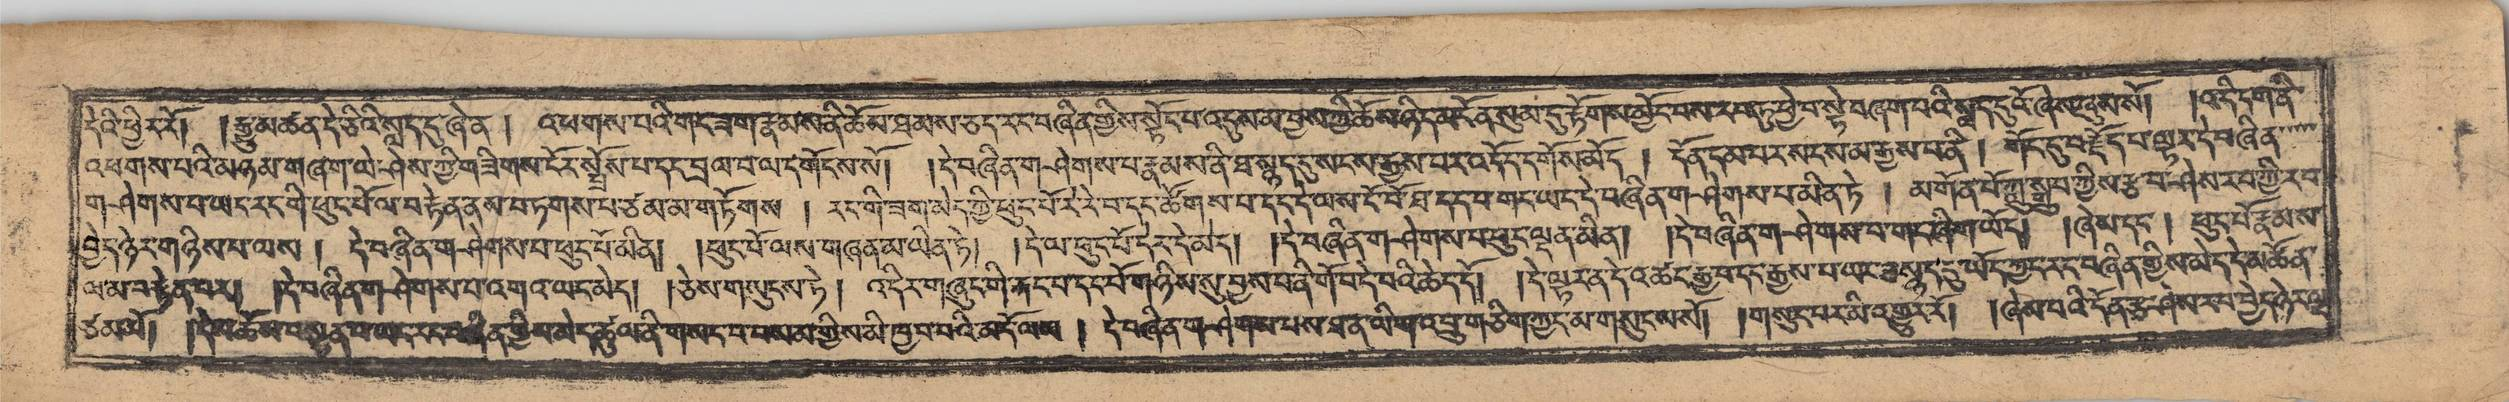དེའི་ཕྱིར་རོ། །རྒྱུ་མཚན་དེ་ཅིའི་སླད་དུ་ཞེ་ན། འཕགས་པའི་གང་ཟག་རྣམས་ནི་ཆོས་ཐམས་ཅད་རང་བཞིན་གྱིས་སྟོང་པ་འདུས་མ་བྱས་ཀྱི་ཆོས་ཉིད་མངོན་སུམ་དུ་རྟོགས་མྱོང་བས་རབ་ཏུ་ཕྱེ་བ་སྟེ་བཞག་པའི་སླད་དུའོ་ཞེས་ཞུས་སོ། །འདི་དག་ནི་
འཕགས་པའི་མཉམ་གཞག་ཡེ་ཤེས་ཀྱི་གཟིགས་ངོར་སྤྲོས་པ་དང་བྲལ་བ་ལ་དགོངས་སོ། །དེ་བཞིན་གཤེགས་པ་རྣམས་ནི་ཐ་སྙད་དུ་སངས་རྒྱས་པར་འདོད་དགོས་མོད། དོན་དམ་པར་སངས་མ་རྒྱས་པ་ནི། གོང་དུ་བརྗོད་པ་ལྟར་དེ་བཞིན་
གཤེགས་པ་ཡང་རང་གི་ཕུང་པོ་ལ་བརྟེན་ནས་བཏགས་པ་ཙམ་མ་གཏོགས། རང་གི་ཟག་མེད་ཀྱི་ཕུང་པོ་རེ་རེ་བ་དང་ཚོགས་པ་དང་དེ་ལས་ངོ་བོ་ཐ་དད་པ་གང་ཡང་དེ་བཞིན་གཤེགས་པ་མིན་ཏེ། མགོན་པོ་ཀླུ་སྒྲུབ་ཀྱིས་རྩ་བ་ཤེས་རབ་ཀྱི་རབ་
བྱེད་ཉེར་གཉིས་པ་ལས། དེ་བཞིན་གཤེགས་པ་ཕུང་པོ་མིན། །ཕུང་པོ་ལས་གཞན་མ་ཡིན་ཏེ། །དེ་ལ་ཕུང་པོ་དེར་དེ་མེད། །དེ་བཞིན་གཤེགས་པ་ཕུང་ལྡན་མིན། །དེ་བཞིན་གཤེགས་པ་གང་ཞིག་ཡོད། །ཞེས་དང་། ཕུང་པོ་རྣམས་
ལ་མ་བརྟེན་པར། །དེ་བཞིན་གཤེགས་པ་འགའ་ཡང་མེད། །ཅེས་གསུངས་ཏེ། འདིར་གཞུང་གི་རྐང་པ་དང་པོ་གཉིས་སུ་བྱས་པ་ནི་གོ་བདེ་བའི་ཆེད་དོ། །དེ་ལྟར་ན་དེ་འཚང་རྒྱ་བ་དང་རྒྱས་པ་ཡང་ཐ་སྙད་དུ་ཡོད་ཀྱང་རང་བཞིན་གྱིས་མེད་དེ་མཚོན་
ཙམ་མོ། །དེས་ཆོས་བསྟན་པ་ཡང་རང་བཞིན་གྱིས་མེད་ཚུལ་ནི་གསང་བ་བསམ་གྱིས་མི་ཁྱབ་པའི་མདོ་ལས། དེ་བཞིན་གཤེགས་པས་ཐ་ན་ཡིག་འབྲུ་གཅིག་ཀྱང་མ་གསུངས་སོ། །གསུང་པར་མི་འགྱུར་རོ། །ཞེས་པའི་དོན་རྩ་ཤེས་རབ་བྱེད་ཉེར་ལྔ་